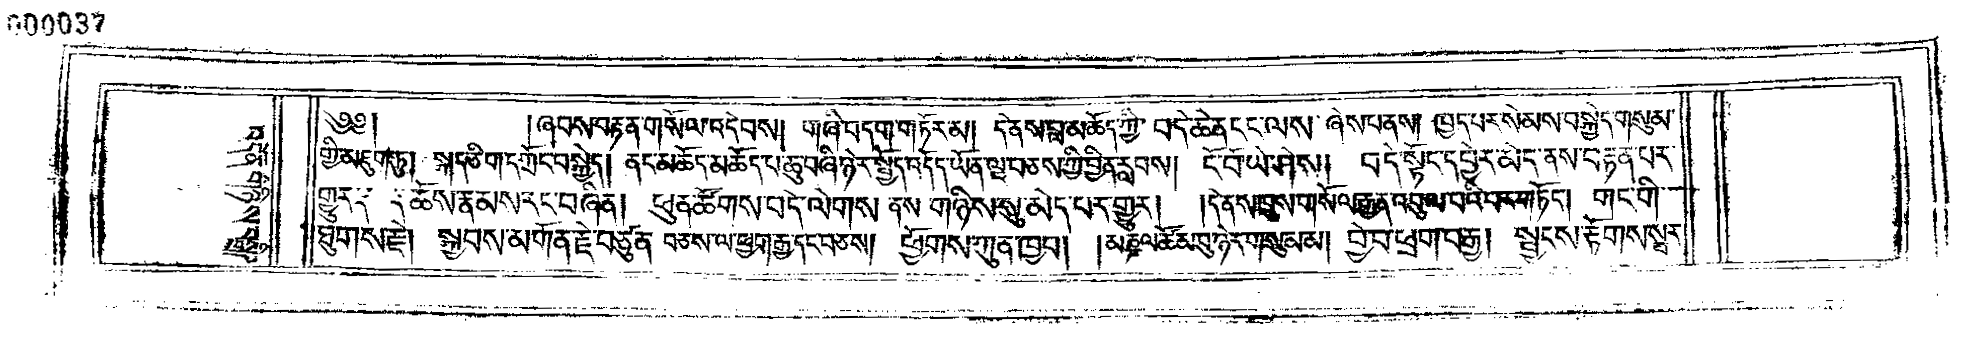༄༅། །ཞབས་བརྟན་གསོལ་འདེབས། གཞི་བདག་གཏོར་མ། དེ་ནས་བླ་མཆོད་ཀྱི་བདེ་ཆེན་ངང་ལས་ཞེས་པ་ནས།  ཁྱད་པར་སེམས་བསྐྱེད་གསུམ་
གྱི་མཇུག་ཏུ། སྐད་ཅིག་དཀྲོང་བསྐྱེད། ནང་མཆོད་མཆོད་པ་ཆུ་བཞི་ཉེར་སྤྱོད་འདོད་ཡོན་ལྔ་བཅས་ཀྱི་བྱིན་རླབས། ངོ་བོ་ཡེ་ཤེས། བདེ་སྟོང་དབྱེར་མེད་ནས་བརྟན་པར་
གྱུར༑ ༑ཆོས་རྣམས་རང་བཞིན། ཕུན་ཚོགས་བདེ་ལེགས་ནས་གཉིས་སུ་མེད་པར་གྱུར། །དེ་ནས་ཁྲུས་གསོལ་རྒྱན་འབུལ་བའི་བར་གཏོང་།  གང་གི་
ཐུགས་རྗེ། སྐྱབས་མགོན་རྗེ་བཙུན་བཅས་ལ་ཕྱག་རྒྱ་དང་བཅས།  ཕྱོགས་ཀུན་ཁྱབ། །མཎྜལ་ཚོམ་བུ་ཉེར་གསུམ་མ།  བྱེ་བ་ཕྲག་བརྒྱ། སྦྱངས་རྟོགས་སྦར་